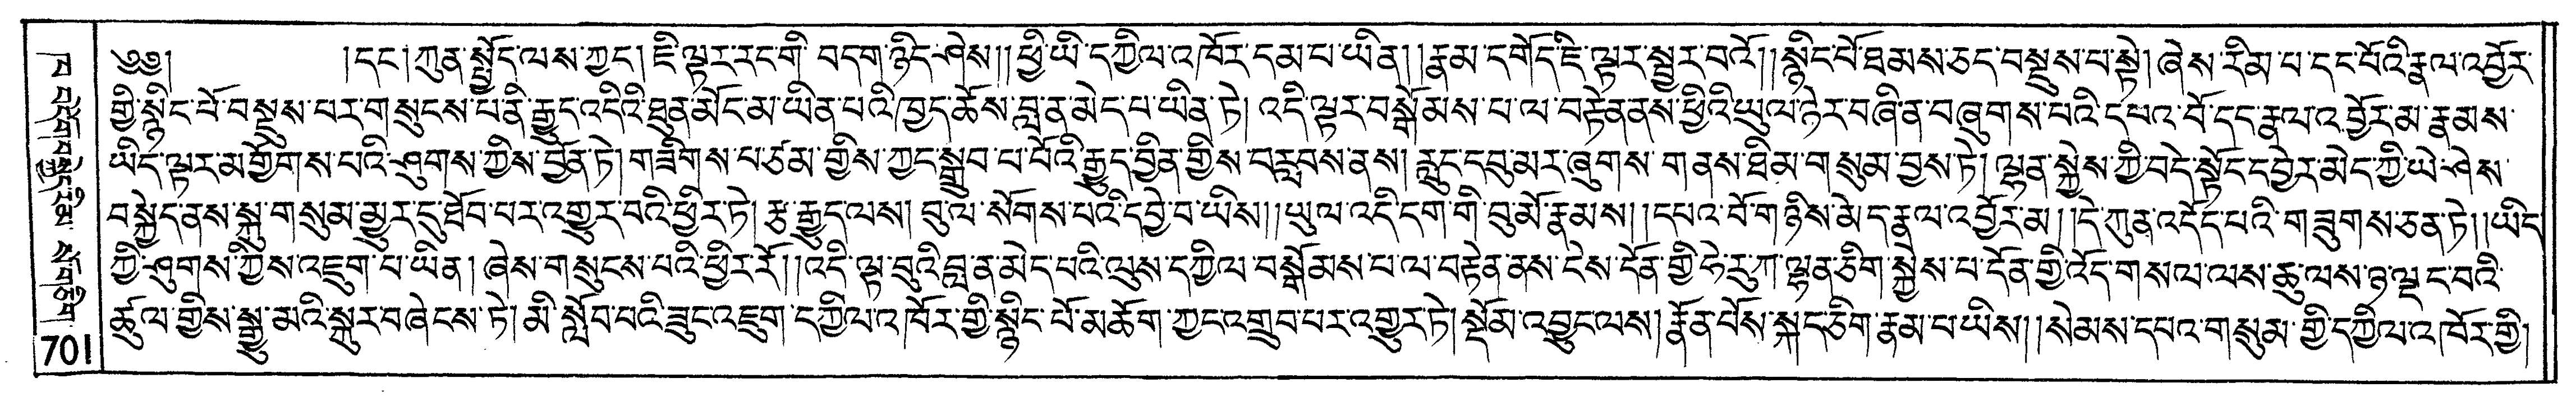༄༅། །དང་། ཀུན་སྤྱོད་ལས་ཀྱང་། ཇི་ལྟར་རང་གི་བདག་ཉིད་ཤེས། །ཕྱི་ཡི་དཀྱིལ་འཁོར་དམ་པ་ཡིན། །རྣམ་དགོད་ཇི་ལྟར་སྦྱར་བའོ། །སྙིང་པོ་ཐམས་ཅད་བསྡུས་པ་སྟེ། ཞེས་རིམ་པ་དང་པོའི་རྣལ་འབྱོར་
གྱི་སྙིང་པོ་བསྡུས་པར་གསུངས་པ་ནི་རྒྱུད་འདིའི་ཐུན་མོང་མ་ཡིན་པའི་ཁྱད་ཆོས་བླ་ན་མེད་པ་ཡིན་ཏེ། འདི་ལྟར་བསྒོམས་པ་ལ་བརྟེན་ནས་ཕྱིའི་ཡུལ་ཉེར་བཞི་ན་བཞུགས་པའི་དཔའ་བོ་དང་རྣལ་འབྱོར་མ་རྣམས་
ཡིད་ལྟར་མགྱོགས་པའི་ཤུགས་ཀྱིས་བྱོན་ཏེ། གཟིགས་པ་ཙམ་གྱིས་ཀྱང་སྒྲུབ་པ་པོའི་རྒྱུད་བྱིན་གྱིས་བརླབས་ནས། རླུང་དབུ་མར་ཞུགས་གནས་ཐིམ་གསུམ་བྱས་ཏེ། ལྷན་སྐྱེས་ཀྱི་བདེ་སྟོང་དབྱེར་མེད་ཀྱི་ཡེ་ཤེས་
བསྐྱེད་ནས་སྐུ་གསུམ་མྱུར་དུ་ཐོབ་པར་འགྱུར་བའི་ཕྱིར་ཏེ། རྩ་རྒྱུད་ལས། བུ་ལ་སོགས་པའི་དབྱེ་བ་ཡིས། །ཡུལ་འདི་དག་གི་བུ་མོ་རྣམས། །དཔའ་བོ་གཉིས་མེད་རྣལ་འབྱོར་མ། །དེ་ཀུན་འདོད་པའི་གཟུགས་ཅན་ཏེ། །ཡིད་
ཀྱི་ཤུགས་ཀྱིས་འཇུག་པ་ཡིན། ཞེས་གསུངས་པའི་ཕྱིར་རོ། །འདི་ལྟ་བུའི་བླ་ན་མེད་པའི་ལུས་དཀྱིལ་བསྒོམས་པ་ལ་བརྟེན་ནས་ངེས་དོན་གྱི་ཧེ་རུ་ཀ་ལྷན་ཅིག་སྐྱེས་པ་དོན་གྱི་འོད་གསལ་ལས་ཆུ་ལས་ཉ་ལྡང་བའི་
ཚུལ་གྱིས་སྒྱུ་མའི་སྐུར་བཞེངས་ཏེ། མི་སློབ་པའི་ཟུང་འཇུག་དཀྱིལ་འཁོར་གྱི་སྙིང་པོ་མཆོག་ཀྱང་འགྲུབ་པར་འགྱུར་ཏེ། སྡོམ་འབྱུང་ལས། རྣོན་པོས་སྐད་ཅིག་རྣམ་པ་ཡིས། །སེམས་དཔའ་གསུམ་གྱི་དཀྱིལ་འཁོར་གྱི།